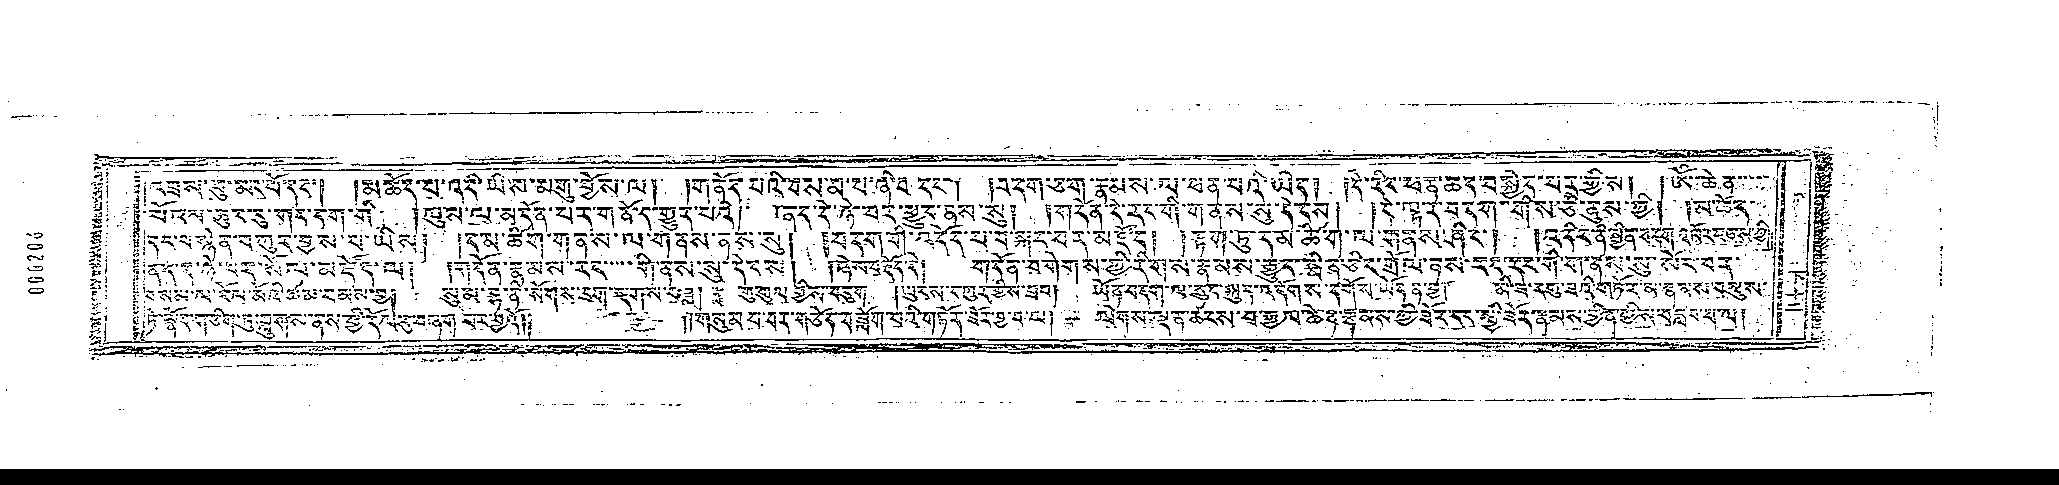འབྲས་བུ་མང་བོ་དང་། །མཆོད་པ་འདི་ཡིས་མགུ་བྱོས་ལ། །གནོད་པའི་བསམ་པ་ཞི་བ་དང་། །བདག་ཅག་རྣམས་ལ་ཕན་པའི་ཡིད། །དེ་རིང་ཕན་ཆད་བསྐྱེད་པར་གྱིས། །ཨོཾ་ཆེན་
པོའམ་ཆུད་དུ་གང་དག་གི། །ལུས་ལ་མདོན་པར་གནོད་གྱུར་པའི། །ནང་དེ་ཉེ་བར་ཕྱུང་ནས་སུ། །གདོན་དེ་རང་གི་གནས་སུ་དེངས། །དེ་ལྟར་བདག་གིས་ཅི་ནུས་ཀྱི། །མཆོད་
དང་བསྙེན་བཀུར་བྱས་པ་ཡིས། །དམ་ཚིག་གནས་ལ་གནས་ནས་སུ། །བདག་གི་འདོད་པ་བསྐད་པར་མཛོད། །རྟག་ཏུ་དམ་ཚིག་ལ་གནས་ཤིང་། །འདིར་ནི་སྦྱིན་བདག་འཁོར་བཅས་ཀྱི་
ནད་དེ་ཉེ་བར་སོལ་མཛོད་ལ། །གདོན་རྣམས་རང་གི་གནས་སུ་དེངས། །ཞེས་བརྗོད་དེ། གདོན་བགེགས་ཀྱི་རིགས་རྣམས་རྒྱུད་སྨིན་ཅིང་གྲོལ་ནས་རང་རང་གི་གནས་སུ་སོང་བར་
བསམ་ལ་རོལ་མོའི་ཚམ་རྡམས་བྱ། སུམ་བྷ་ནི་སོགས་དྲག་སྔགས་བཟླ། གུ་གུལ་གྱིས་བདུག །ཡུངས་དཀར་གྱིས་ཟབ། ཡོན་བདག་ལ་སྲུང་སྐུད་འདགས་དགོས་ཡོད་ན་བྱ། །མི་ཟ་དགུ་ཟའི་གཏོར་མ་རྣམས་སྡུས་
ཏེ་སྣོད་གཅིག་ཏུ་བླུགས་ནས་ཕྱི་རོལ་དུ་བཞག་པར་བྱའོ།། །།གསུམ་པ་བར་གཅོད་བཟློག་པའི་གཏོར་ཟོར་བྱ་བ་ལ། ལེགས་ལྡན་ཚངས་པ་རྒྱལ་ཆེན་རྣམས་ཀྱི་ཟོར་དང་སྦྱི་ཟོར་རྣམས་བྱིན་གྱིས་བརླབ་པ་ལ།